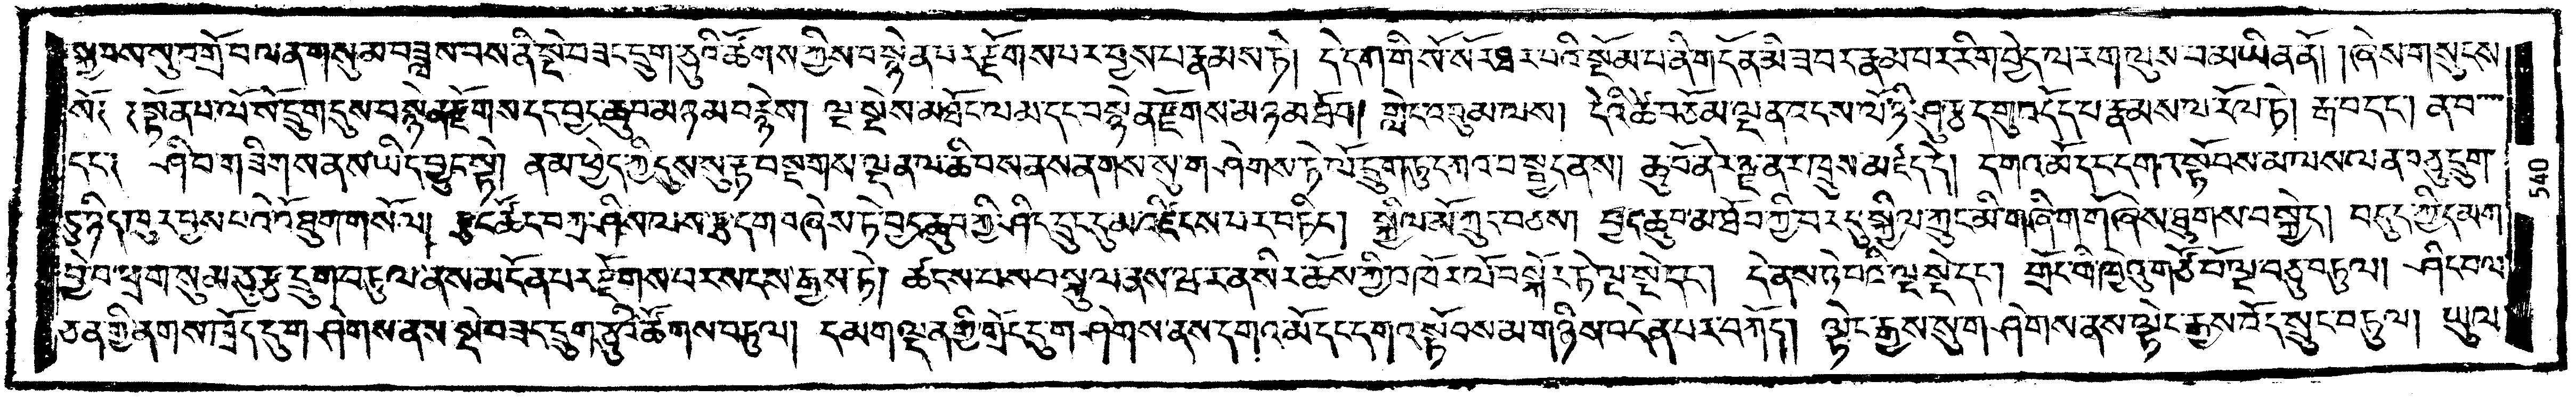སྐྱབས་སུ་འགྲོ་བ་ལན་གསུམ་བཟླས་བས་ནི་སྡེ་བཟང་དྲུག་ཅུའི་ཚོགས་ཀྱིས་བསྙེན་པར་རྗོགས་པར་བྱས་པ་རྣམས་ཏེ། དེ་དག་གི་སོ་སོར་ཐར་པའི་སྔོམ་པ་ནི་གདོན་མི་ཟ་བར་རྣམ་པར་རིག་བྱེད་ལ་རག་ལུས་བ་མ་ཡིན་ནོ། །ཞེས་གསུངས་
སོ༑ ༑སྟོན་པ་ལོ་སོ་དྲུག་དུས་བསྙེན་རྫོགས་དང་བྱང་ཆུབ་མཉམ་བརྙེས། ལྔ་སྡེས་མཐོང་ལམ་དང་བསྙེན་རྫོགས་མཉམ་ཐོབ། གླེང་འབུམ་ལས། དེའི་ཚེ་བཅོམ་ལྡན་འདས་ལོ་ཉི་ཤུ་རྩ་དགུ་འདོད་པ་རྣམས་ལ་རོལ་ཏེ། རྒ་བ་དང་། ན་བ་
དང༑ ཤི་བ་གཟིགས་ནས་ཡིད་བྱུང་སྟེ། ནམ་ཕྱེད་ཀྱི་དུས་སུ་རྟ་བསྔགས་ལྡན་ལ་ཆིབས་ནས་ནགས་སུ་གཤེགས་ཏེ་ལོ་དྲུག་ཏུ་དཀའ་བ་སྦྱད་ནས། ཆུ་བོ་ནེར་ཉྫ་ནར་ཁྲུས་མཛད་དེ། དགའ་མོ་དང་དགའ་སྟོབས་མ་ལས་ལན་བཅུ་དྲུག་
ཉེད་ཁུར་བྱས་བའིའོ་ཐུག་གསོལ། རྩང་ཚོད་བཀྲ་ཤིས་ལས་རྩ་དག་གཞེས་ཏེ་བྱང་ཆུབ་ཀྱི་ཤིང་དྲུང་དུ་མ་འཛིངས་པར་བཏིང་། སྐྱིལ་མོ་ཀྲུང་བཅས། བྱང་ཆུབ་མ་ཐོབ་ཀྱི་བར་དུ་སྐྱིལ་ཀྲུང་མི་གཞིག་གོ་ཞེས་ཐུགས་བསྐྱེད། བདུད་ཀྱི་དམག་
?ཕྱེ་ཕྲག་སུམ་ཅུ་རྩ་དྲུག་བཏུལ་ནས་མངོན་པར་རྫོགས་པར་སངས་རྒྱས་ཏེ། ཚངས་པས་བསྐུལ་ནས་ཝ་ར་ན་སིར་ཆོས་ཀྱི་འཁོར་ལོ་བསྐོར་ཏེ་ལྔ་སྔེ་དང་། དེ་ནས་ཉེ་བའི་ལྔ་སྡེ་དང་། གྲོང་གི་ཁྱེའུ་གཙོ་བོ་ལྔ་བཅུ་བཏུལ། ཤིང་བལ་
ཅན་གྱི་ནགས་ཁྲོད་དུ་གཤེགས་ནས་སྡེ་བཟབ་དུ་གཉུག་ཚོགས་བཅུ་ལ། དམག་ལྡན་གྱི་གོང་དུ་གཤེགས་ནས་དགའ་མོ་དང་དགའ་སྟོབས་མ་གཉིས་བདེན་པར་བཀོད། ལྟེར་རྒྱས་སུ་གཤེགས་ནམ་ལྟེང་རྒྱས་འོད་སྲུང་བཏུལ། ཡུལ་